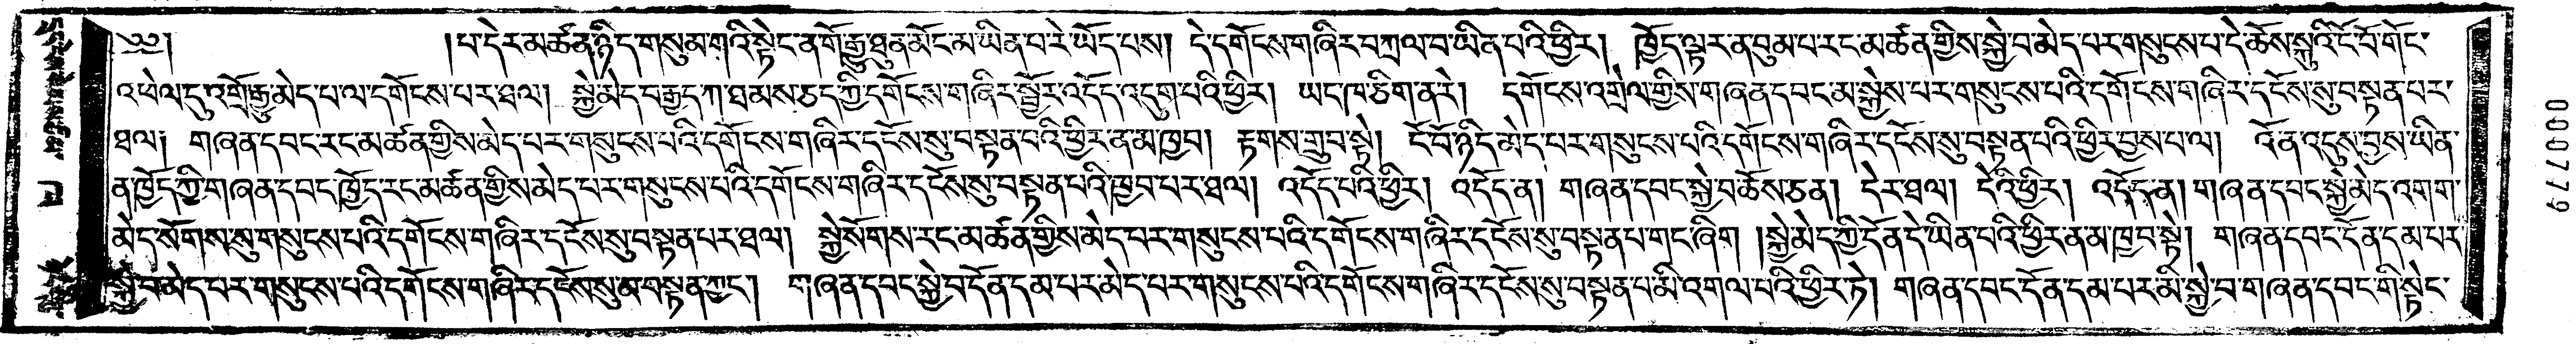༄༅། །པ་དེར་མཚན་ཉིད་གསུམ་གའི་སྟེང་ན་གོ་རྒྱུ་ཐུན་མོང་མ་ཡིན་པ་རེ་ཡོད་པས། དེ་དགོངས་གཞིར་བཀྲལ་བ་ཡིན་པའི་ཕྱིར། ཁྱོད་ལྟར་ན་བུམ་པ་རང་མཚན་གྱིས་སྐྱེ་བ་མེད་པར་གསུངས་པ་དེ་ཆོས་སྐུའི་ངོ་བོ་གོང་
འཕེལ་དུ་འགྲོ་རྒྱུ་མེད་པ་ལ་དགོངས་པར་ཐལ། སྐྱེ་མེད་བརྒྱད་ཀ་ཐམས་ཅད་ཀྱི་དགོངས་གཞིར་སྦྱོར་འདོད་འདུག་པའི་ཕྱིར། ཡང་ཁ་ཅིག་ན་རེ། དགོངས་འགྲེལ་གྱིས་གཞན་དབང་མ་སྐྱེས་པར་གསུངས་པའི་དགོངས་གཞིར་དངོས་སུ་བསྟན་པར་
ཐལ༑ གཞན་དབང་རང་མཚན་གྱིས་མེད་པར་གསུངས་པའི་དགོངས་གཞིར་དངོས་སུ་བསྟན་པའི་ཕྱིར་ན་མ་ཁྱབ། རྟགས་གྲུབ་སྟེ། ངོ་བོ་ཉིད་མེད་པར་གསུངས་པའི་དགོངས་གཞིར་དངོས་སུ་བསྟན་པའི་ཕྱིར་བྱས་པ་ལ། འོ་ན་འདུས་བྱས་ཡིན་
ན་ཁྱོད་ཀྱི་གཞན་དབང་ཁྱོད་རང་མཚན་གྱིས་མེད་པར་གསུངས་པའི་དགོངས་གཞིར་དངོས་སུ་བསྟན་པའི་ཁྱབ་པར་ཐལ། འདོད་པའི་ཕྱིར། འདོད་ན། གཞན་དབང་སྐྱེ་བ་ཆོས་ཅན། དེར་ཐལ། དེའི་ཕྱིར། འདོད་ན། གཞན་དབང་སྐྱེ་མེད་འགག་
མེད་སོགས་སུ་གསུངས་པའི་དགོངས་གཞིར་དངོས་སུ་བསྟན་པར་ཐལ། སྐྱེ་སོགས་རང་མཚན་གྱིས་མེད་པར་གསུངས་པའི་དགོངས་གཞིར་དངོས་སུ་བསྟན་པ་གང་ཞིག །སྐྱེ་མེད་ཀྱི་དོན་དེ་ཡིན་པའི་ཕྱིར་ན་མ་ཁྱབ་སྟེ། གཞན་དབང་དོན་དམ་པར་
སྐྱེ་བ་མེད་པར་གསུངས་པའི་དགོངས་གཞིར་དངོས་སུ་མ་བསྟན་ཀྱང་། གཞན་དབང་སྐྱེ་བ་དོན་དམ་པར་མེད་པར་གསུངས་པའི་དགོངས་གཞིར་དངོས་སུ་བསྟན་པ་མི་འགལ་བའི་ཕྱིར་ཏེ། གཞན་དབང་དོན་དམ་པར་མི་སྐྱེ་བ་གཞན་དབང་གི་སྟེང་